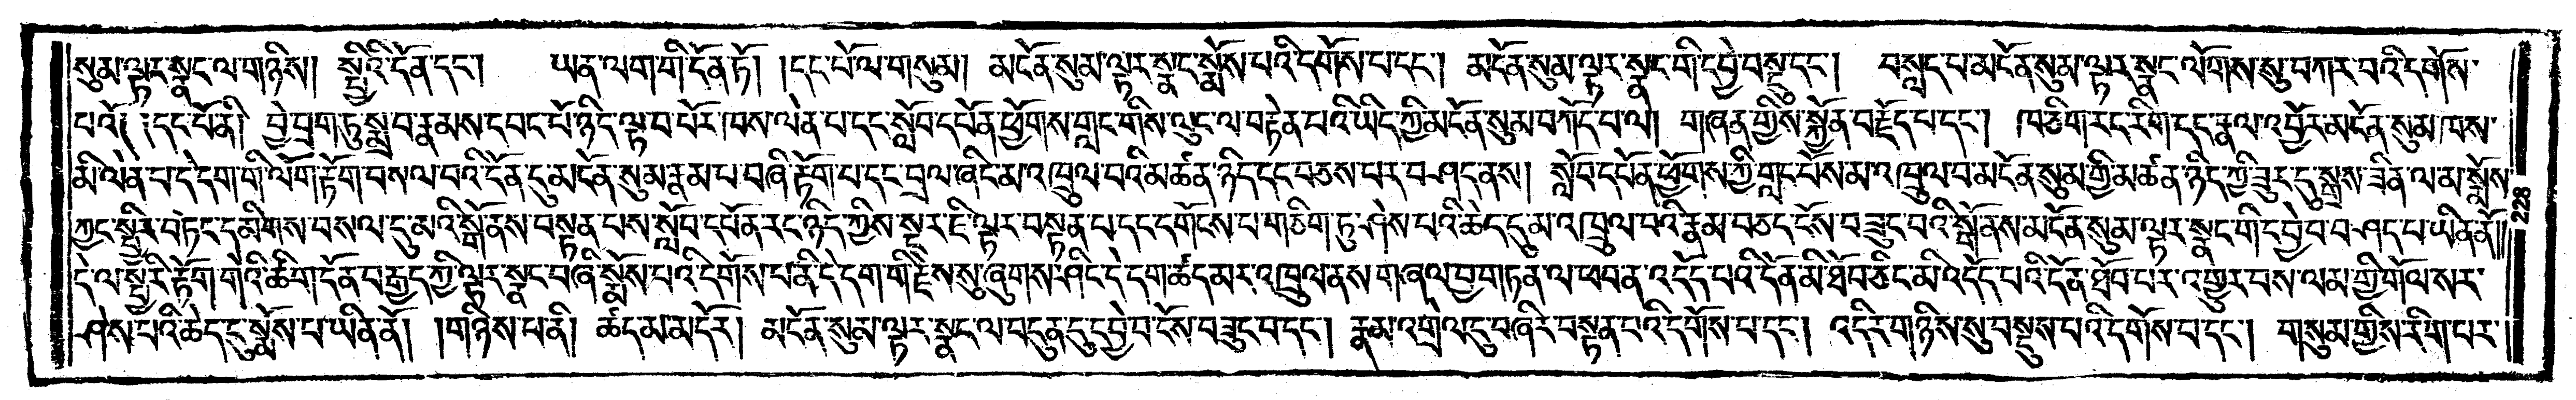སུམ་ལྟར་སྣང་ལ་གཉིས། སྤྱི་དོན་དང་། ཡན་ལག་གི་དོན་ཏོ། །དང་པོ་ལ་གསུམ། མངོན་སུམ་ལྟར་སྣང་སྨོས་པའི་དགོས་པ་དང་། མངོན་སུམ་ལྟར་སྣང་གི་དབྱེ་བསྡུ་དང་། བསླད་པ་མངོན་སུམ་ལྟར་སྣང་ལོགས་སུ་བཀར་བའི་དགོས་
པའོ། །དང་པོ་ནི། བྱེ་བྲག་ཏུ་སྨྲ་བ་རྣམས་དབང་པོ་ཉིད་ལྟ་བ་པོར་ཁས་ལེན་པ་དང་སློབ་དཔོན་ཕྱོགས་གླང་གིས་ལུང་ལ་བརྟེན་པའི་ཡིད་ཀྱི་མངོན་སུམ་བཀོད་པ་ལ། གཞན་གྱིས་སྐྱོན་བརྗོད་པ་དང་། ཁ་ཅིག་རང་རིག་དང་རྣལ་འབྱོར་མངོན་སུམ་ཁས་
མི་ལེན་པ་དེ་དག་གི་ལོག་རྟོག་བསལ་བའི་དོན་དུ་མངོན་སུམ་རྣམ་པ་བཞི་རྟོག་པ་དང་བྲལ་ཞིང་མ་འཁྲུལ་བའི་མཚན་ཉིད་དང་བཅས་པར་བཤད་ནས། སློབ་དཔོན་ཕྱོགས་ཀྱི་གླང་པོས་མ་འཁྲུལ་བ་མངོན་སུམ་གྱི་མཚན་ཉིད་ཀྱི་ཟུར་དུ་སྒྲས་ཟིན་ལ་མ་སྨོས་
ཀྱང་སྤྱིར་བཏང་དམིགས་བསལ་དུ་མའི་སྒོ་ནས་བསྟན་པས་སློབ་དཔོན་རང་ཉིད་ཀྱིས་སྔར་ཇི་ལྟར་བསྟན་པ་དང་དགོངས་པ་གཅིག་ཏུ་ཤེས་པའི་ཆེད་དུ་མ་འཁྲུལ་བའི་རྣམ་བཅད་ངོས་བཟུང་བའི་སྒོ་ནས་མངོན་སུམ་ལྟར་སྣང་གི་དབྱེ་བ་བཤད་པ་ཡིན་ནོ།།
དེ་ལ་སྤྱིར་རྟོག་གེའི་ཚིག་དོན་བརྒྱད་ཀྱི་ལྟར་སྣང་བཞི་སྨོས་པའི་དགོས་པ་ནི་དེ་དག་གི་རྗེས་སུ་ཞུགས་ཤིང་དེ་དག་ཚད་མར་འཁྲུལ་ནས་གཞལ་བྱ་གཏན་ལ་ཕབ་ན་འདོད་པའི་དོན་མི་ཐོབ་ཅིང་མི་འདོད་པའི་དོན་ཐོབ་པར་འགྱུར་བས་ལམ་གྱི་གོལ་སར་
ཤེས་པའི་ཆེད་དུ་སྨོས་པ་ཡིན་ནོ། །གཉིས་པ་ནི། ཚད་མ་མདོར། མངོན་སུམ་ལྟར་སྣང་ལ་བདུན་དུ་དབྱེ་བ་ངོས་བཟུང་བ་དང་། རྣམ་འགྲེལ་དུ་བཞིར་བསྟན་པའི་དགོས་པ་དང་། འདིར་གཉིས་སུ་བསྡུས་པའི་དགོས་པ་དང་། གསུམ་གྱིས་རིག་པར་